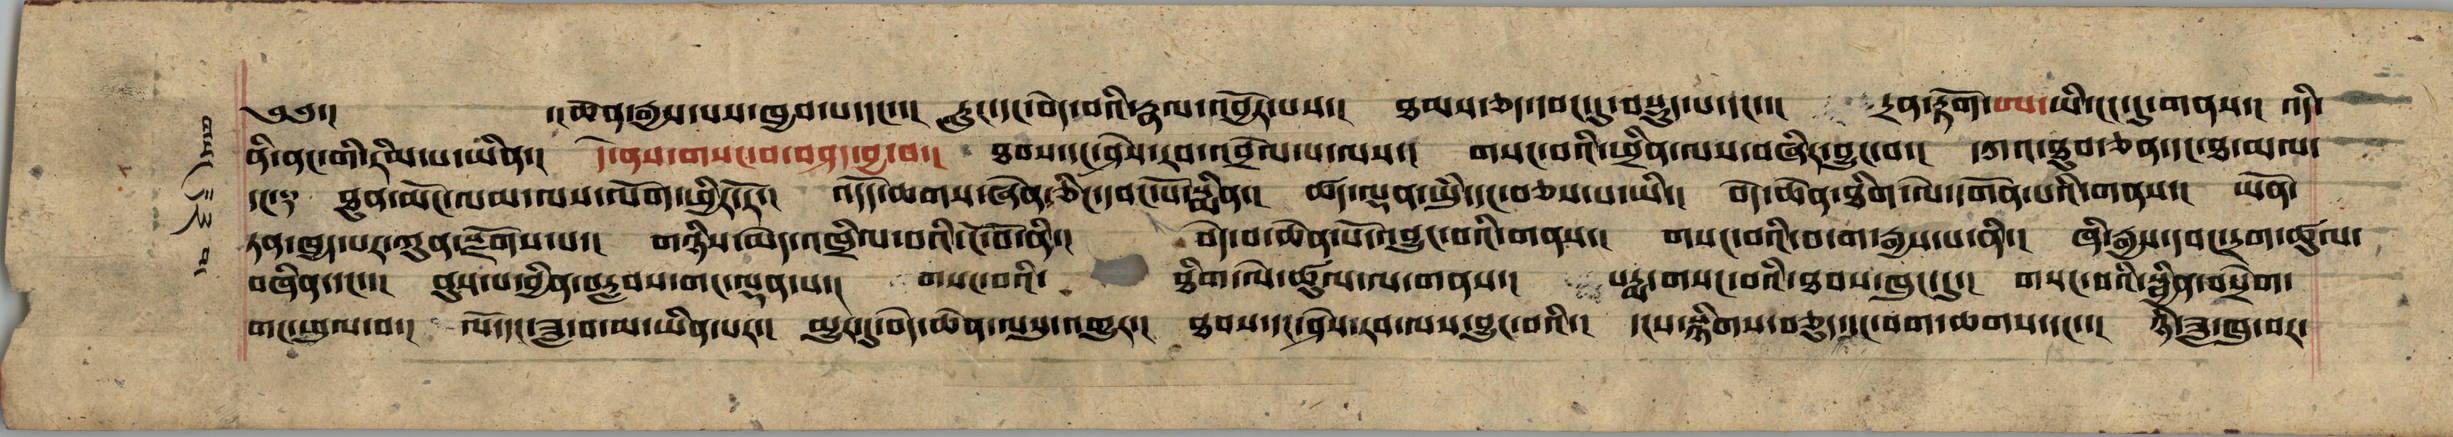༄༅་། ་།ཆེན་རྒྱས་པས་ཁྱབ་པ་དང་་། རླུང་དང་བདེ་བའི་སྣལ་འབྱོར་པས་། ཐམས་ཅད་དབང་དུ་བསྡུད་པ་དང་་། དྲན་རྟོག་ཨ་ཡི་ངང་དུ་གནས་། འདི་
ནི་ནང་གི་རིམ་པ་ཡིན་། དེ་ནས་གསང་བ་བཤད་བྱ་བ་། ཐབས་དང་ཤེས་རབ་འབྲེལ་པ་ལས་། གསང་བའི་ཕྲིན་ལས་བཞིར་བྱུང་པ་། དཀའ་ཐུབ་ཅན་དང་ཐ་མལ་
དང༑ ཐུན་མོང་ལམ་ལས་ལོག་ཕྱིར་རོ་། འདོད་ཆགས་ཞེན་ཅིང་དབང་པོ་སྨིན་། ཚད་ལྡན་ཡུཾ་དང་བཅས་པ་ཡི་། བདེ་ཆེན་ཐིག་ལེ་དགོན་པའི་གནས་། ཡོན་
ཏན་ཁྱད་པར་ཀུན་སྫོགས་པ་། གཉིས་མེད་འཁྲིལ་བའི་ངོ་བོ་ནི་། བདེ་བ་ཆེན་པོ་འབྱུང་བའི་གནས་། གསང་བའི་བདག་རྒྱས་པ་ནི་། ཞི་རྒྱས་དབང་དྲག་ཚུལ་
བཞིན་དང་་། ནུས་པ་བྱིན་བརླབས་གང་ལྡན་པ་། གསང་བའི་ ཐིག་ལེ་ཚུལ་ལ་གནས་། པདྨ་གསང་བའི་ཐབས་ཁུང་དུ་། གསང་བའི་སྦྱིན་བསྲེག་
གང་ཕུལ་བ་། ལོ་དང་ཟླ་བ་མ་ཡིན་པར་། མྱུར་དུ་བདེ་ཆེན་ལསུ་འགྱུར་། ཐབས་དང་ཤེས་རབ་ལས་བྱུང་བའི་། དངས་སྙིགས་བཅུད་དང་བག་ཆགས་དང་་། ཉི་ཟླ་ཁུ་བར་